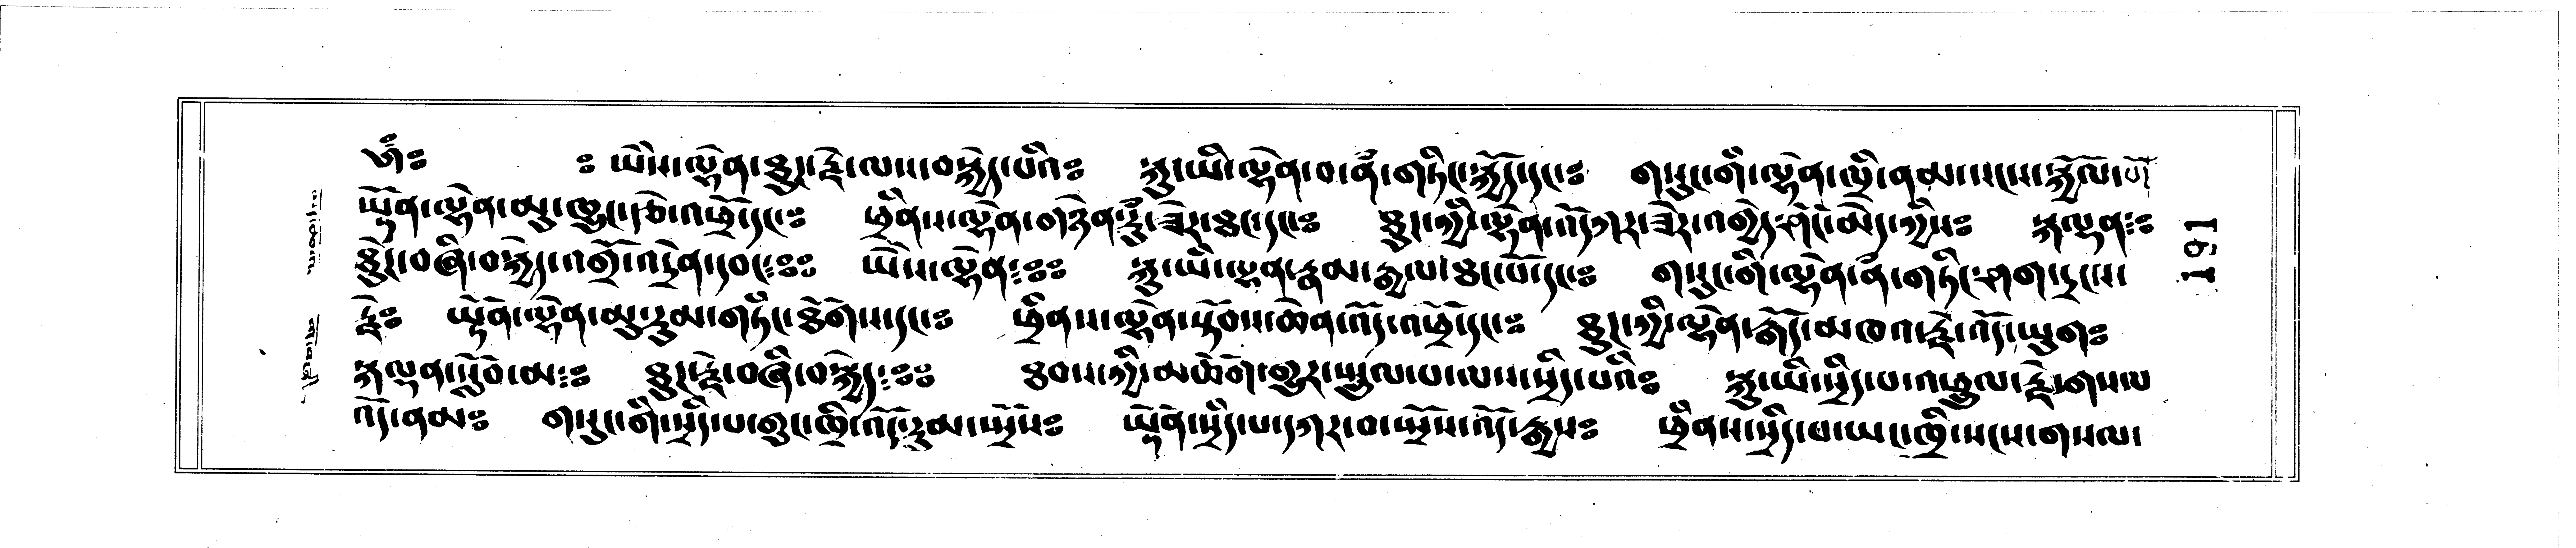ཡེ་ཤེས་ལྷ་ཆེན་ཐུགས་རྗེ་ལས་བསྐྱེད་པའིཿ སྐུ་ཡི་ལྷ་ཆེན་བ་ནམ་གཏིང་སྐྱོད་དངཿ གསུང་གི་ལྷ་ཆེན་ཁྲི་ནམ་སངས་སྐྱོལ་པོ་དངཿ 
ཡོན་ཏན་ལྷ་ཆེན་མུ་ཁྱུང་རྩེ་འཕྲོ་དངཿ ཕྲིན་ལས་ལྷ་ཆེན་གཉན་རུམ་ཟེར་ཐང་དངཿ ཐུགས་ཀྱི་ལྷ་ཆེན་འོད་དཀར་འགྱེད་ཤོང་མེར་གྱིསཿ སྐལ་ལྡན་
ཐུགས་རྗེ་བཞི་བསྐྱེད་འགྲོ་འདྲེན་དབང་ ཡི་ལྷན་ སྐུ་ཡི་ལྷ་ཆེན་རྣམ་རྒྱལ་ཐང་པོ་དངཿ གསུང་གི་ལྷ་ཆེན་ནམ་ཏིང་ཤག་དྲང་
རྗེཿ ཡོན་ཏན་ལྷ་ཆེན་མུ་རུམ་གཏིང་ཐོག་དངཿ ཕྲིན་ལས་ལྷ་ཆེན་སྟོབས་ཆེན་འོད་འཕྲོ་དངཿ ཐུགས་ཀྱི་ལྷ་ཆེན་རྒོད་མཁའ་རྗེ་འོད་ཡུག་
སྐལ་ལྡན་སློབ་མ་ ཐུགས་རྗེ་བཞི་བསྐྱེད་འགྲོ་འདྲེན་དབང་ཐོབ་ཤོགཿ ཐབས་ཀྱི་མཆོག་གྱུར་སྤྲུལ་པ་ལས་སྲིད་པའིཿ སྐུ་ཡི་སྲིད་པ་འཕྲུལ་རྗེ་གསལ་
འོད་དངཿ གསུང་གི་སྲིད་པ་གུང་ཁྲི་འོད་རུམ་སྤྲོས་དངཿ ཡོན་ཏན་གྱི་སྲིད་པ་དཀར་བ་སྤྲོས་འོད་རྒྱས་དངཿ ཕྲིན་ལས་ཀྱི་སྲིད་པ་ཡང་ཁྲི་སངས་གསལ་